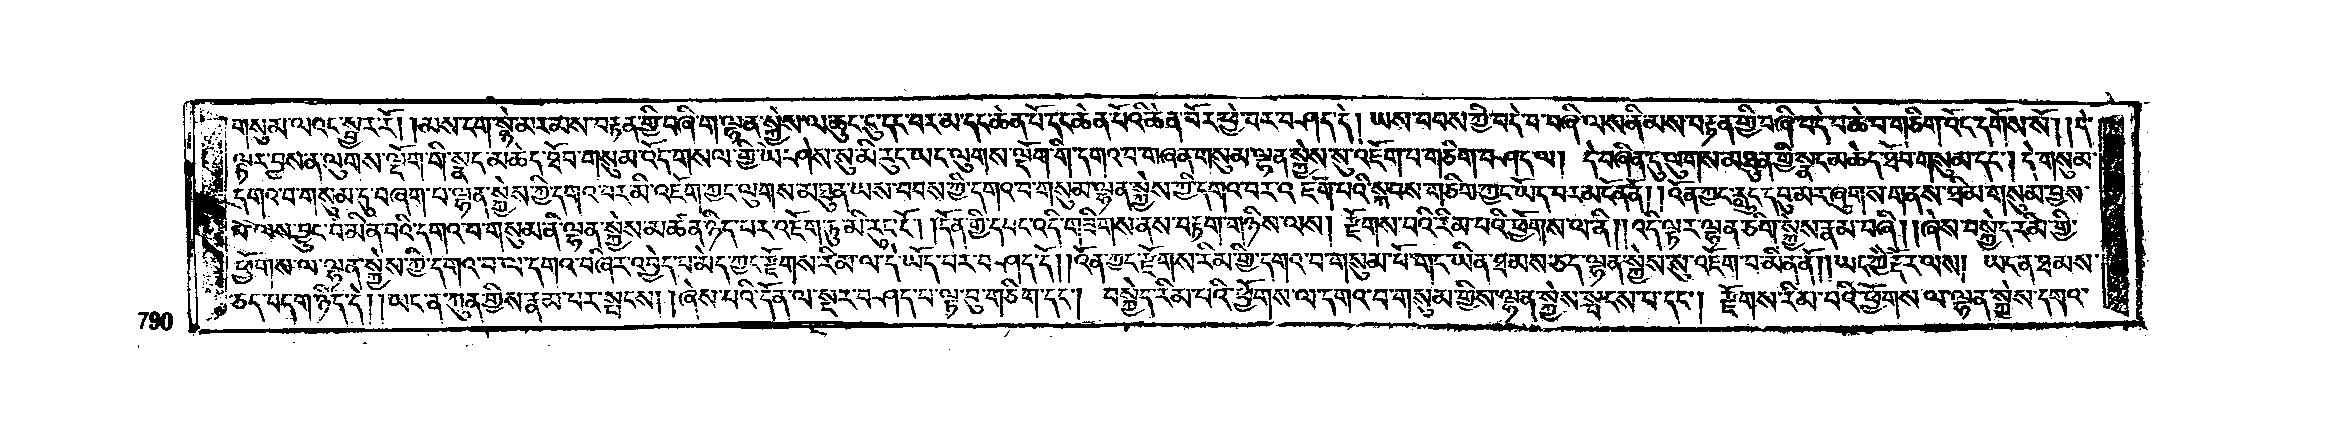གསུམ་ལའང་སྦྱར་རོ། །མས་ངག་སྙེ་མར་མས་བརྟན་གྱི་བཞི་ག་ལྷན་སྐྱེས་ལ་ཆུང་ངུ་དང་བར་མ་དང་ཆེན་པོ་དང་ཆེན་པོའི་ཆེན་པོར་ཕྱེ་བར་བཤད་དེ། ཡས་བབས་ཀྱི་བདེ་བ་བཞི་ལས་ནི་མས་བརྟན་གྱི་བཞི་བདེ་བ་ཆེ་བ་གཅིག་འོང་དགོས་སོ། །དེ་
ལྟར་བྱས་ན་ལུགས་ལྡོག་གི་སྣང་མཆེད་ཐོབ་གསུམ་འོད་གསལ་གྱི་ཡེ་ཤེས་སུ་མི་རུང་ཡང་ལུགས་ལྡོག་གི་དགའ་བ་གཞན་གསུམ་ལྷན་སྐྱེས་སུ་འཇོག་པ་གཅིག་བཤད་ལ། དེ་བཞིན་དུ་ལུགས་མཐུན་གྱི་སྣང་མཆེད་ཐོབ་གསུམ་དང་། དེ་གསུམ་
དགའ་བ་གསུམ་དུ་བཞག་པ་ལྷན་སྐྱེས་ཀྱི་དགའ་བར་མི་འཇོག་ཀྱང་ལུགས་མཐུན་ཡས་བབས་ཀྱི་དགའ་བ་གསུམ་ལྷན་སྐྱེས་ཀྱི་དགའ་བར་འཇོག་པའི་སྐབས་གཅིག་ཀྱང་ཡོད་པར་མངོན་ནོ། །འོན་ཀྱང་རླུང་དབུ་མར་ཞུགས་གནས་ཐིམ་གསུམ་བྱས་
པ་ལས་བྱུང་བ་མིན་པའི་དགའ་བ་གསུམ་ནི་ལྷན་སྐྱེས་མཚན་ཉིད་པར་འཇོག་ཏུ་མི་རུང་ངོ། །དོན་གྱི་དབང་འདི་གཟིགས་ནས་བརྟག་གཉིས་ལས། རྫོགས་པའི་རིམ་པའི་ཕྱོགས་ལ་ནི། །འདི་ལྟར་ལྷན་ཅིག་སྐྱེས་རྣམ་བཞི། །ཞེས་བསྐྱེད་རིམ་གྱི་
ཕྱོགས་ལ་ལྷན་སྐྱེས་ཀྱི་དགའ་བ་ལ་དགའ་བཞིར་འབྱེད་པ་མེད་ཀྱང་རྫོགས་རིམ་ལ་དེ་ཡོད་པར་བཤད་དོ། །འོན་ཀྱང་རྫོགས་རིམ་གྱི་དགའ་བ་གསུམ་པོ་གང་ཡིན་ཐམས་ཅད་ལྷན་སྐྱེས་སུ་འཇོག་པ་མིན་ནོ། །ཡང་ཀྱཻ་རྡོར་ལས། ཡང་ན་ཐམས་
ཅད་བདག་ཉིད་དེ། །ཡང་ན་ཀུན་གྱིས་རྣམ་པར་སྤངས། །ཞེས་པའི་དོན་ལ་སྔར་བཤད་པ་ལྟ་བུ་གཅིག་དང་། བསྐྱེད་རིམ་པའི་ཕྱོགས་ལ་དགའ་བ་གསུམ་གྱིས་ལྷན་སྐྱེས་སྤངས་པ་དང་། རྫོགས་རིམ་པའི་ཕྱོགས་ལ་ལྷན་སྐྱེས་དགའ་